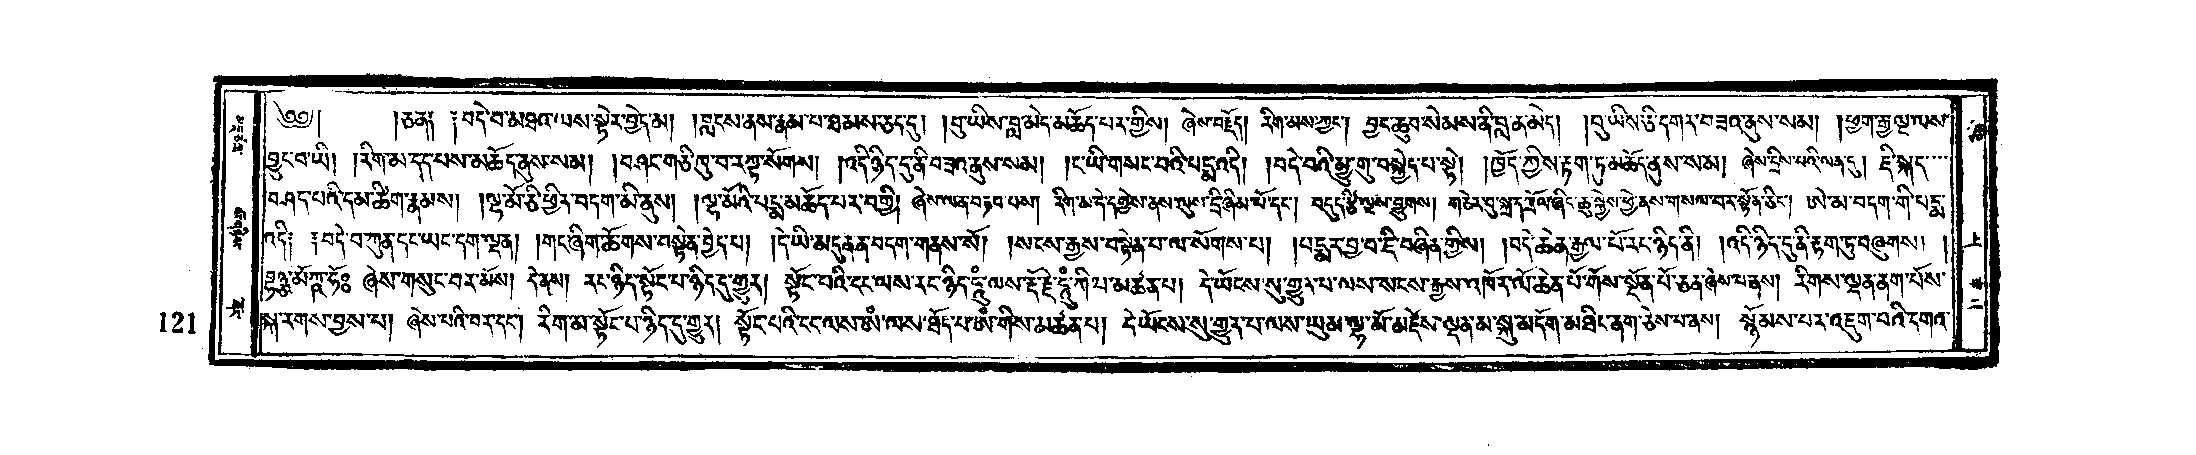༄༅། །ཅན། །བདེ་བ་མཐའ་ཡས་སྟེར་བྱེད་མ། །བླངས་ནས་རྣམ་པ་ཐམས་ཅད་དུ། །བུ་ཡིས་བླ་མེད་མཆོད་པར་གྱིས། ཞེས་བརྗོད། རིག་མས་ཀྱང་། བྱང་ཆུབ་སེམས་ནི་བླ་ན་མེད། །བུ་ཡིས་ཅི་དགར་བཟའ་ནུས་སམ། །ཕྱག་རྒྱ་ལྔ་ལས་
བྱུང་བ་ཡི། །རིག་མ་དད་པས་མཆོད་ནུས་སམ། །བཤང་གཅི་ཁུ་བ་རཀྟ་སོགས། །འདི་ཉིད་དུ་ནི་བཟའ་ནུས་སམ། །ང་ཡི་གསང་བའི་པདམ་འདི། །བདེ་བའི་མྱུ་གུ་བསྐྱེད་པ་སྟེ། །ཁྱོད་ཀྱིས་རྟག་ཏུ་མཆོད་ནུས་སམ། ཞེས་དྲིས་པའི་ལན་དུ། ཇི་སྐད་
བཤད་པའི་དམ་ཚིག་རྣམས། །ལྷ་མོ་ཅི་ཕྱིར་བདག་མི་ནུས། །ལྷ་མོའི་པདམ་མཆོད་པར་བགྱི། ཞེས་ལན་བཏབ་པས། རིག་མ་དེ་དགྱེས་ནས་ལུས་དྲི་ཞིམ་པོ་དང་། བདུད་རྩི་ལྔས་བྱུགས། གཅེར་བུ་སྐྲ་དཀྲོལ་ཞིང་ཆུ་སྐྱེས་ཕྱེ་ནས་གསལ་བར་སྟོན་ཅིང་། ཨེ་མ་བདག་གི་པདམ་
འདི། །བདེ་བ་ཀུན་དང་ཡང་དག་ལྡན། །གང་ཞིག་ཆོ་གས་བསྟེན་བྱེད་པ། །དེ་ཡི་མདུན་ན་བདག་གནས་སོ། །སངས་རྒྱས་བསྟེན་པ་ལ་སོགས་པ། །པདམར་བྱ་བ་ཇི་བཞིན་གྱིས། །བདེ་ཆེན་རྒྱལ་པོ་རང་ཉིད་ནི། །འདི་ཉིད་དུ་ནི་རྟག་ཏུ་བཞུགས། །
བྷཉྩ་མོཀྵ་ཧོཿ ཞེས་གསུང་བར་མོས། དེ་ནས། རང་ཉིད་སྟོང་པ་ཉིད་དུ་གྱུར། སྟོང་པའི་ངང་ལས་རང་ཉིད་ཧཱུཾ་ལས་རྡོ་རྗེ་ཧཱུཾ་ཀི་པ་མཚན་པ། དེ་ཡོངས་སུ་གྱུར་པ་ལས་སངས་རྒྱས་འཁོར་ལོ་ཆེན་པོ་གོས་སྔོན་པོ་ཅན་ཞེས་པ་ནས། རིགས་ལྡན་ནག་པོས་
སྐ་རགས་བྱས་པ། ཞེས་པའི་བར་དང་། རིག་མ་སྟོང་པ་ཉིད་དུ་གྱུར། སྟོང་པའི་ངང་ལས་ཨཾ་ལས་ཐོད་པ་ཨཾ་གིས་མཚན་པ། དེ་ཡོངས་སུ་གྱུར་པ་ལས་ཡུམ་ལྷ་མོ་མཛེས་ལྡན་མ་སྐུ་མདོག་མཐིང་ནག་ཅེས་པ་ནས། སྙོམས་པར་འཇུག་པའི་དགའ་